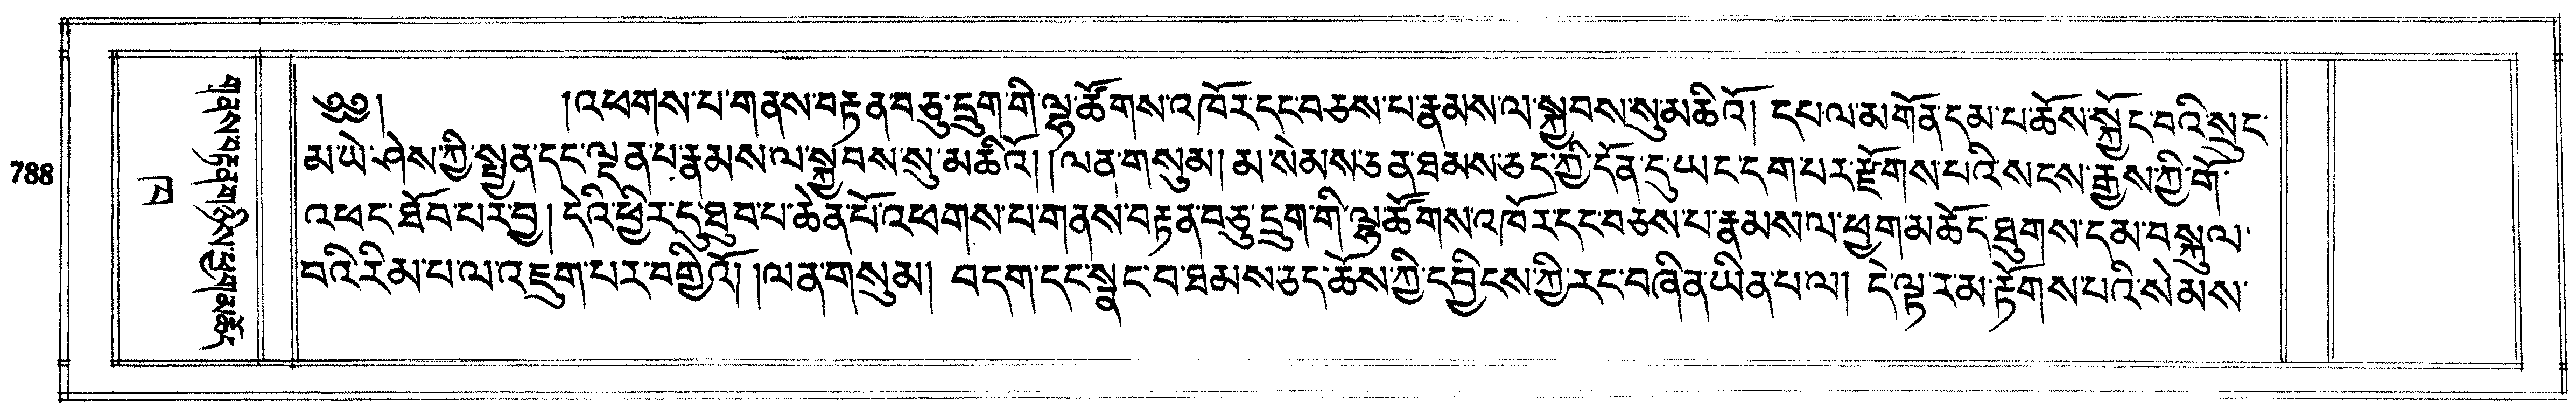༄༅། །འཕགས་པ་གནས་བརྟན་བཅུ་དྲུག་གི་ལྷ་ཚོགས་འཁོར་དང་བཅས་པ་རྣམས་ལ་སྐྱབས་སུ་མཆིའོ། དཔལ་མགོན་དམ་པ་ཆོས་སྐྱོང་བའི་སྲུང་
མ་ཡེ་ཤེས་ཀྱི་སྤྱན་དང་ལྡན་པ་རྣམས་ལ་སྐྱབས་སུ་མཆིའོ། །ལན་གསུམ། མ་སེམས་ཅན་ཐམས་ཅད་ཀྱི་དོན་དུ་ཡང་དག་པར་རྫོགས་པའི་སངས་རྒྱས་ཀྱི་གོ་
འཕང་ཐོབ་པར་བྱ། དེའི་ཕྱིར་དུ་ཐུབ་པ་ཆེན་པོ་འཕགས་པ་གནས་བརྟན་བཅུ་དྲུག་གི་ལྷ་ཚོགས་འཁོར་དང་བཅས་པ་རྣམས་ལ་ཕྱག་མཆོད་ཐུགས་དམ་བསྐུལ་
བའི་རིམ་པ་ལ་འཇུག་པར་བགྱིའོ། །ལན་གསུམ། བདག་དང་སྣང་བ་ཐམས་ཅད་ཆོས་ཀྱི་དབྱིངས་ཀྱི་རང་བཞིན་ཡིན་པ་ལ། དེ་ལྟར་མ་རྟོགས་པའི་སེམས་